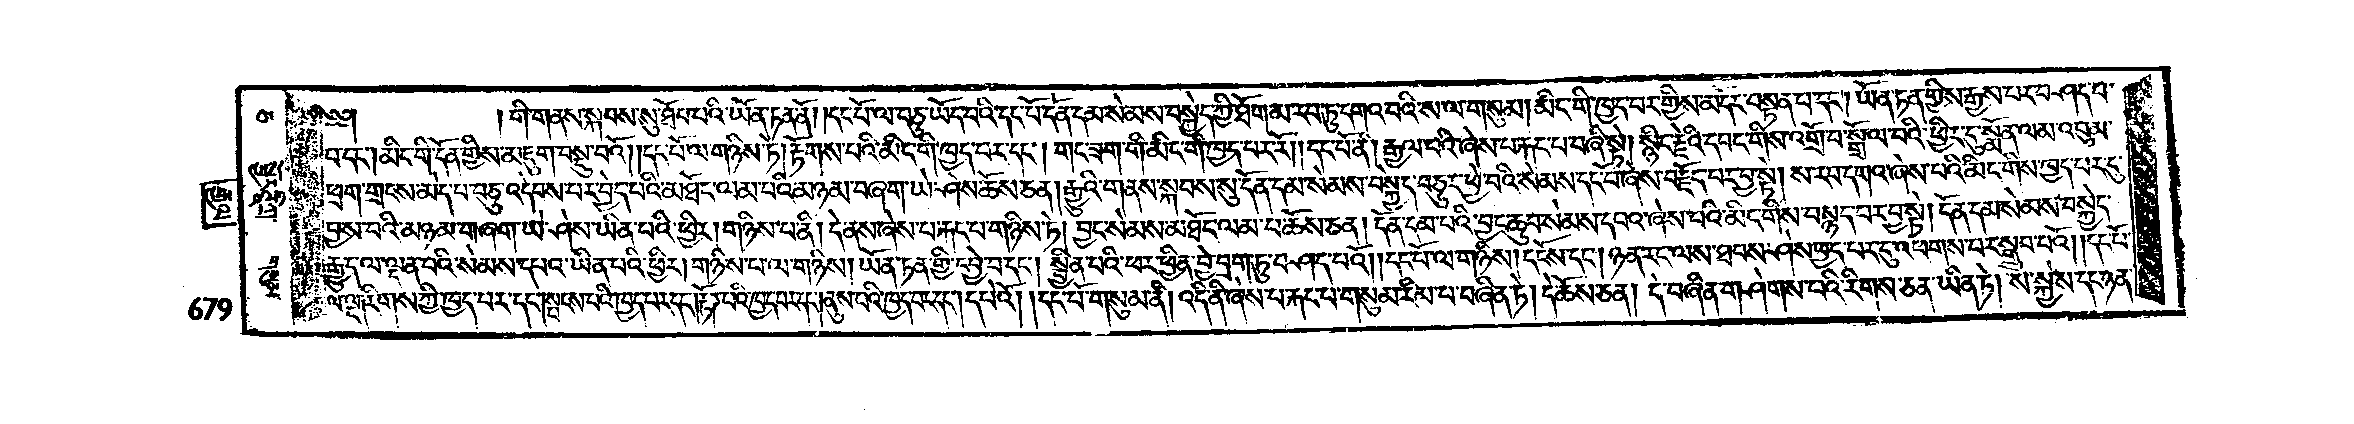༄༅། །གི་གནས་སྐབས་སུ་ཐོབ་པའི་ཡོན་ཏན་ནོ། །དང་པོ་ལ་བཅུ་ཡོད་པའི་དང་པོ་དོན་དམ་སེམས་བསྐྱེད་ཀྱི་ཐོག་མ་རབ་ཏུ་དགའ་བའི་ས་ལ་གསུམ། མིང་གི་ཁྱད་པར་གྱིས་མདོར་བསྟན་པ་དང་། ཡོན་ཏན་གྱིས་རྒྱས་པར་བཤད་པ་
པ་དང་། མིང་གི་དོན་གྱིས་མཇུག་བསྡུ་བའོ། །དང་པོ་ལ་གཉིས་ཏེ། རྟོགས་པའི་མིང་གི་ཁྱད་པར་དང་། གང་ཟག་གི་མིང་གི་ཁྱད་པར་རོ། །དང་པོ་ནི། རྒྱལ་བའི་ཞེས་པ་རྐང་པ་བཞི་སྟེ། སྙིང་རྗེའི་དབང་གིས་འགྲོ་བ་སྒྲོལ་བའི་ཕྱིར་དུ་སྨོན་ལམ་འབུམ་
ཕྲག་གྲངས་མེད་པ་བཅུ་འདེབས་པར་བྱེད་པའི་མཐོང་ལམ་པའི་མཉམ་བཞག་ཡེ་ཤེས་ཆོས་ཅན། རྒྱུའི་གནས་སྐབས་སུ་དོན་དམ་སེམས་བསྐྱེད་བཅུར་ཕྱེ་བའི་སེམས་དང་པོ་ཞེས་བརྗོད་པར་བྱ་སྟེ། ས་རབ་དགའ་ཞེས་པའི་མིང་གིས་ཁྱད་པར་དུ་
བྱས་པའི་མཉམ་གཞག་ཡེ་ཤེས་ཡིན་པའི་ཕྱིར། གཉིས་པ་ནི། དེ་ནས་ཞེས་པ་རྐང་པ་གཉིས་ཏེ། བྱང་སེམས་མཐོན་ལམ་པ་ཆོས་ཅན། དོན་དམ་པའི་བྱང་ཆུབ་སེམས་དཔའ་ཞེས་པའི་མིང་གིས་བསྙད་པར་བྱ་སྟེ། དོན་དམ་སེམས་བསྐྱེད་
རྒྱུད་ལ་ལྡན་པའི་སེམས་དཔའ་ཡིན་པའི་ཕྱིར། གཉིས་པ་ལ་གཉིས། ཡོན་ཏན་གྱི་དབྱེ་བ་དང་། སྦྱིན་པའི་ཕར་ཕྱིན་བྱེ་བྲག་ཏུ་བཤད་པའོ། །དང་པོ་ལ་གཉིས། དངོས་དང་། ཉན་རང་ལས་ཐབས་ཤེས་ཁྱད་པར་དུ་འཕགས་པར་སྒྲུབ་པའོ། །དང་པོ་
ལ་ལྔ། རིགས་ཀྱི་ཁྱད་པར་དང་། སྤངས་པའི་ཁྱད་པར་དང་། རྟོགས་པའི་ཁྱད་པར་དང་། ནུས་པའི་ཁྱད་པར་དང་། དཔེའོ། །དང་པོ་གསུམ་ནི། འདི་ནི་ཞེས་པ་རྐང་པ་གསུམ་རིམ་པ་བཞིན་ཏེ། དེ་ཆོས་ཅན། དེ་བཞིན་གཤེགས་པའི་རིགས་ཅན་ཡིན་ཏེ། ས་སྐྱེས་དང་ཉན་